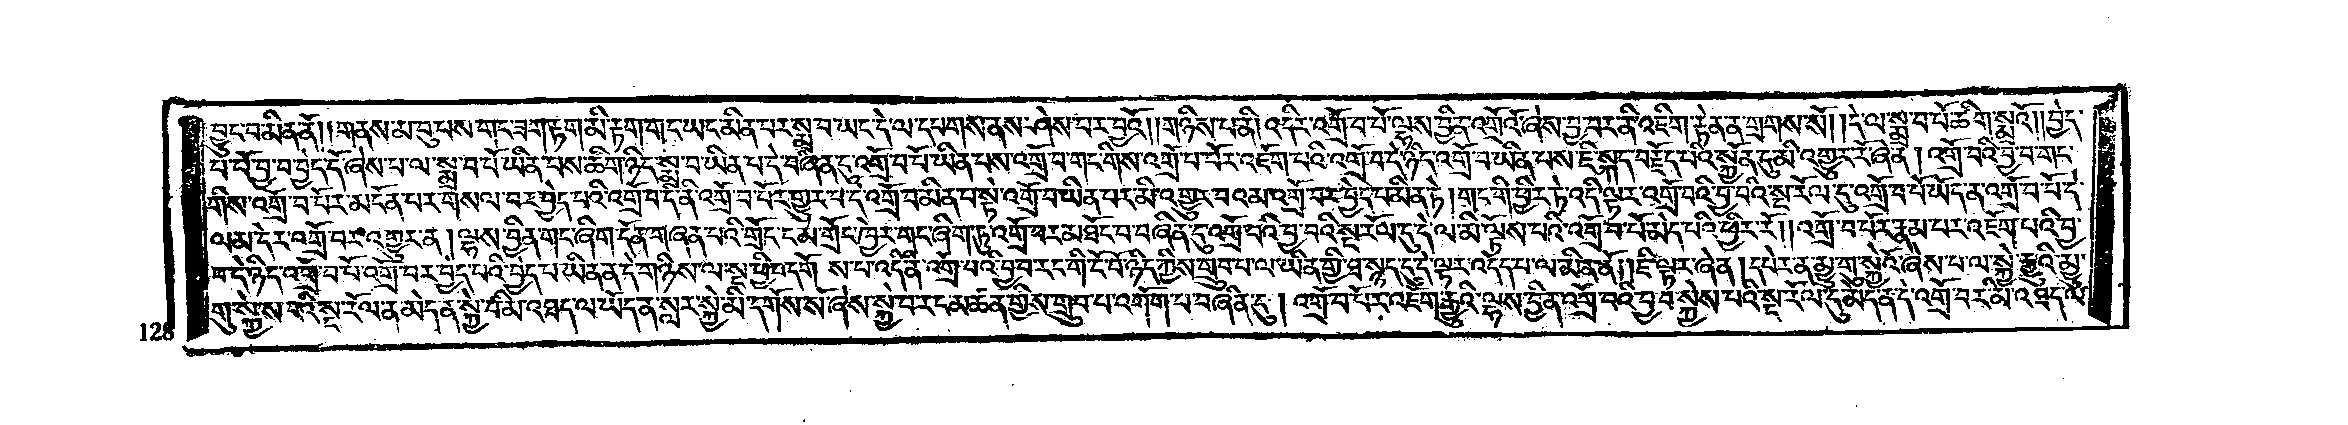བྱུང་བ་མིན་ནོ། །གནས་མ་བུ་པས་གང་ཟག་རྟག་མི་རྟག་གང་ཡང་མིན་པར་སྨྲ་བ་ཡང་དེ་ལ་དཔགས་ནས་ཤེས་པར་བྱའོ། །གཉིས་པ་ནི། འདིར་འགྲོ་བ་པོ་ལྷས་བྱིན་འགྲོའོ་ཞེས་བྱ་བར་ནི་འཇིག་རྟེན་ན་གྲགས་སོ། །དེ་ལ་སྨྲ་བ་པོ་ཚིག་སྨྲའོ། །བྱེད་
པ་པོ་བྱ་བ་བྱེད་དོ་ཞེས་པ་ལ་སྨྲ་བ་པོ་ཡིན་པས་ཚིག་ཉིད་སྨྲ་བ་ཡིན་པ་དེ་བཞིན་དུ་འགྲོ་བ་པོ་ཡིན་པས་འགྲོ་བ་གང་གིས་འགྲོ་བ་པོར་འཇོག་པའི་འགྲོ་བ་དེ་ཉིད་འགྲོ་བ་ཡིན་པས་ཇི་སྐད་བརྗོད་པའི་སྐྱོན་དུ་མི་འགྱུར་རོ་ཞེ་ན། འགྲོ་བའི་བྱ་བ་གང་
གིས་འགྲོ་བ་པོར་མངོན་པར་གསལ་བར་བྱེད་པའི་འགྲོ་བ་དེ་ནི་འགྲོ་བ་པོར་གྱུར་པ་དེ་འགྲོ་བ་མིན་པ་སྟེ་འགྲོ་བ་ཡིན་པར་མི་འགྱུར་པའམ་འགྲོ་བར་བྱེད་པ་མིན་ཏེ། གང་གི་ཕྱིར་ཏེ་འདི་ལྟར་འགྲོ་བའི་བྱ་བའི་སྔ་རོལ་དུ་འགྲོ་བ་པོ་ཡོད་ན་འགྲོ་བ་པོ་དེ་
ལམ་དེར་འགྲོ་བར་འགྱུར་ན། ལྷས་བྱིན་གང་ཞིག་དོན་གཞན་པའི་གྲོང་དམ་གྲོང་ཁྱེར་གང་ཞིག་ཏུ་འགྲོ་བར་མཐོང་བ་བཞིན་དུ་འགྲོ་བའི་བྱ་བའི་སྔ་རོལ་དུ་དེ་ལ་མི་ལྟོས་པའི་འགྲོ་བ་པོ་མེད་པའི་ཕྱིར་རོ། །འགྲོ་བ་པོར་རྣམ་པར་འཇོག་པའི་བྱ་
བ་དེ་ཉིད་འགྲོ་བ་པོ་འགྲོ་བར་བྱེད་པའི་བྱེད་པ་ཡིན་ན་དེ་གཉིས་ལ་སྔ་ཕྱི་བ་དོགས་པ་འདི་ནི་འགྲོ་བའི་བྱ་བ་རང་གི་ངོ་བོ་ཉིད་ཀྱིས་གྲུབ་པ་ལ་ཡིན་གྱི་ཐ་སྙད་དུ་དེ་ལྟར་འདོད་པ་ལ་མིན་ནོ། །ཇི་ལྟར་ཞེ་ན། དཔེར་ན་མྱུ་གུ་སྐྱེའོ་ཞེས་པ་ལ་སྐྱེ་རྒྱུའི་མྱུ་
གུ་སྐྱེས་པའི་སྔ་རོལ་ན་མེད་ན་སྐྱེ་བ་མི་འཐད་ལ་ཡོད་ན་སླར་སྐྱེ་མི་དགོས་སོ་ཞེས་སྐྱེ་བ་རང་མཚན་གྱིས་གྲུབ་པ་འགོག་པ་བཞིན་དུ། འགྲོ་བ་པོར་འཇོག་རྒྱུའི་ལྷས་བྱིན་འགྲོ་བའི་བྱ་བ་སྐྱེས་པའི་སྔ་རོལ་དུ་མེད་ན་དེ་འགྲོ་བར་མི་འཐད་ལ་